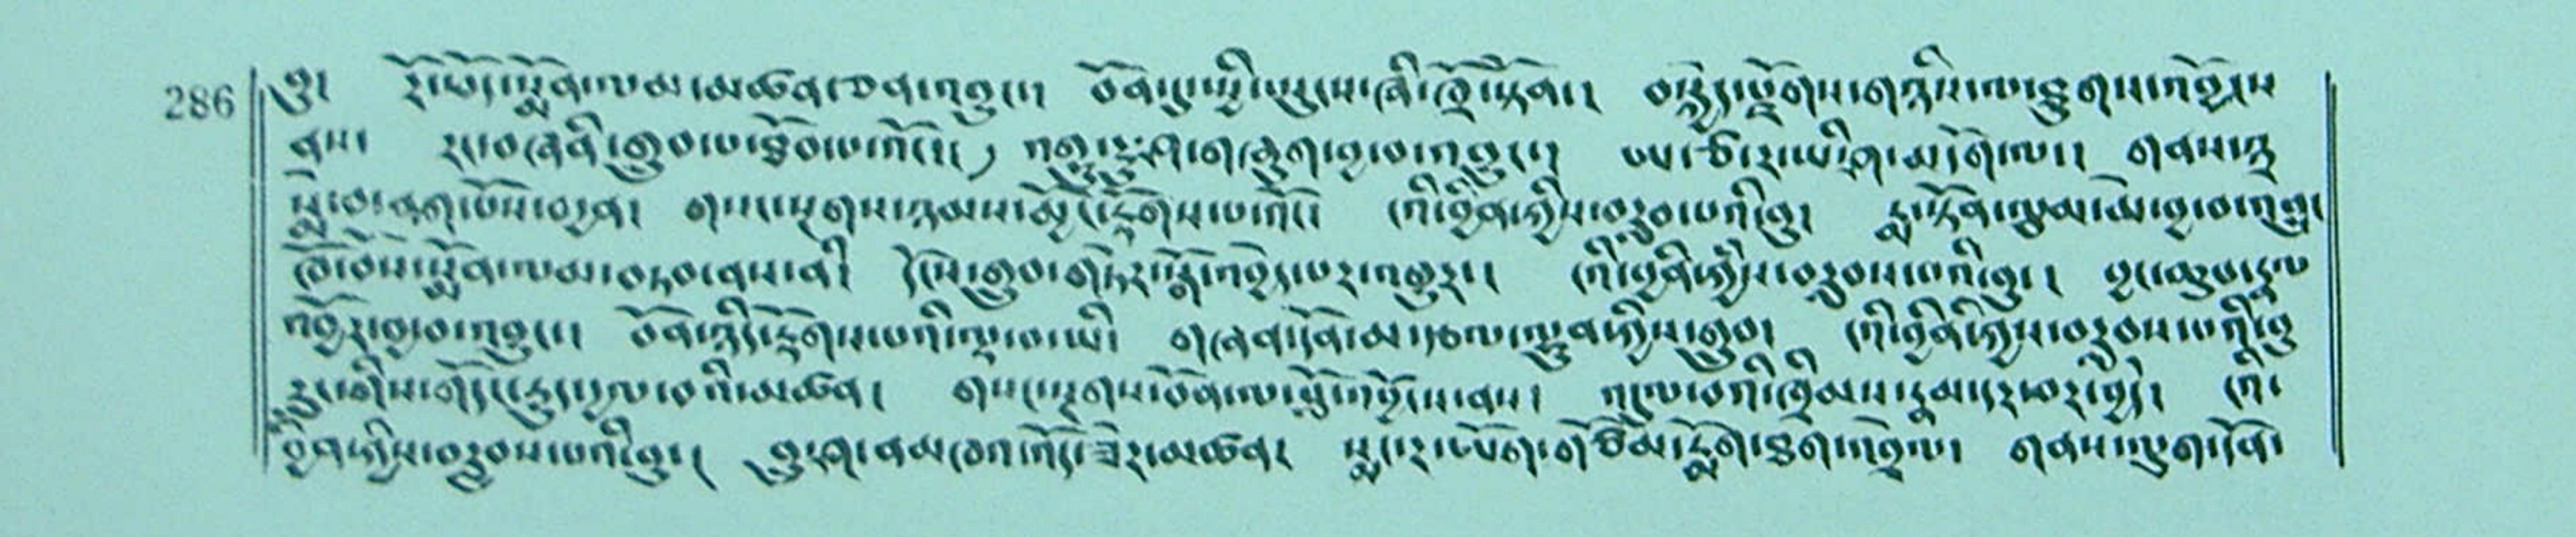བུ། རོ་ཕོད་སྨོན་ལམ་བྱ་བ་འབྱུང་། བོན་དུ་སྤྱི་སྤུངས་ཞི་ཁྲོ་སྟོན། བསྐྱེད་རྫོགས་གཉིས་ལ་ཐུགས་འབྱོངས་
ནས། རང་བཞིན་གྲུབ་པ་ཐོབ་པར་འོང་། འགྷུ་རུ་ཤ་གཞུག་བྱ་བ་འབྱུང་། ཨ་ཙ་ར་ཡི་ཤ་མདོག་ལ། གནས་གསུམ་
སྨེ་བ་ནག་པོས་བརྒྱན། གསང་སྔགས་ཉམས་མྱོང་རྟོགས་པ་འོང་། ང་ཡི་བྱིན་གྱིས་རླབས་པའི་བུ། རྨ་སྟོན་ལྕམ་མེ་བྱ་བ་འབྱུང་།
 ཁོ་བོས་སྨོན་ལམ་བཏབ་ནས་ནི། དངོས་གྲུབ་གཏེར་སྒོ་འབྱེད་པར་འགྱུར། ང་ཡི་བྱིན་གྱིས་རླབས་པའི་བུ། བྱང་ཆུབ་རྣལ་
འབྱོར་བྱ་བ་འབྱུང་། བོན་ཉིད་རྟོགས་པའི་ལྟ་བ་ཡིས། གཞན་དོན་མ་བརྩལ་ལྷུན་གྱིས་གྲུབ། ང་ཡི་བྱིན་གྱིས་རླབས་པའི་བུ། 
རླང་གི་གདུང་རྒྱུད་འདུལ་བའི་རྒྱལ་བའི་མཚན། གསང་སྔགས་བོན་ལ་བློ་འབྱོངས་ནས། འདུལ་བའི་ཁྲིམས་རྣམས་དར་བར་བྱེད། ང་ཡི་
བྱིན་གྱིས་རླབས་པའི་བུ། བྲུ་ཤ་ནམ་མཁའ་འོད་ཟེར་མཚན། སྨང་ར་ཨག་ཙོམ་རྨོག་ཐག་འབྲེལ། གནས་ལུགས་